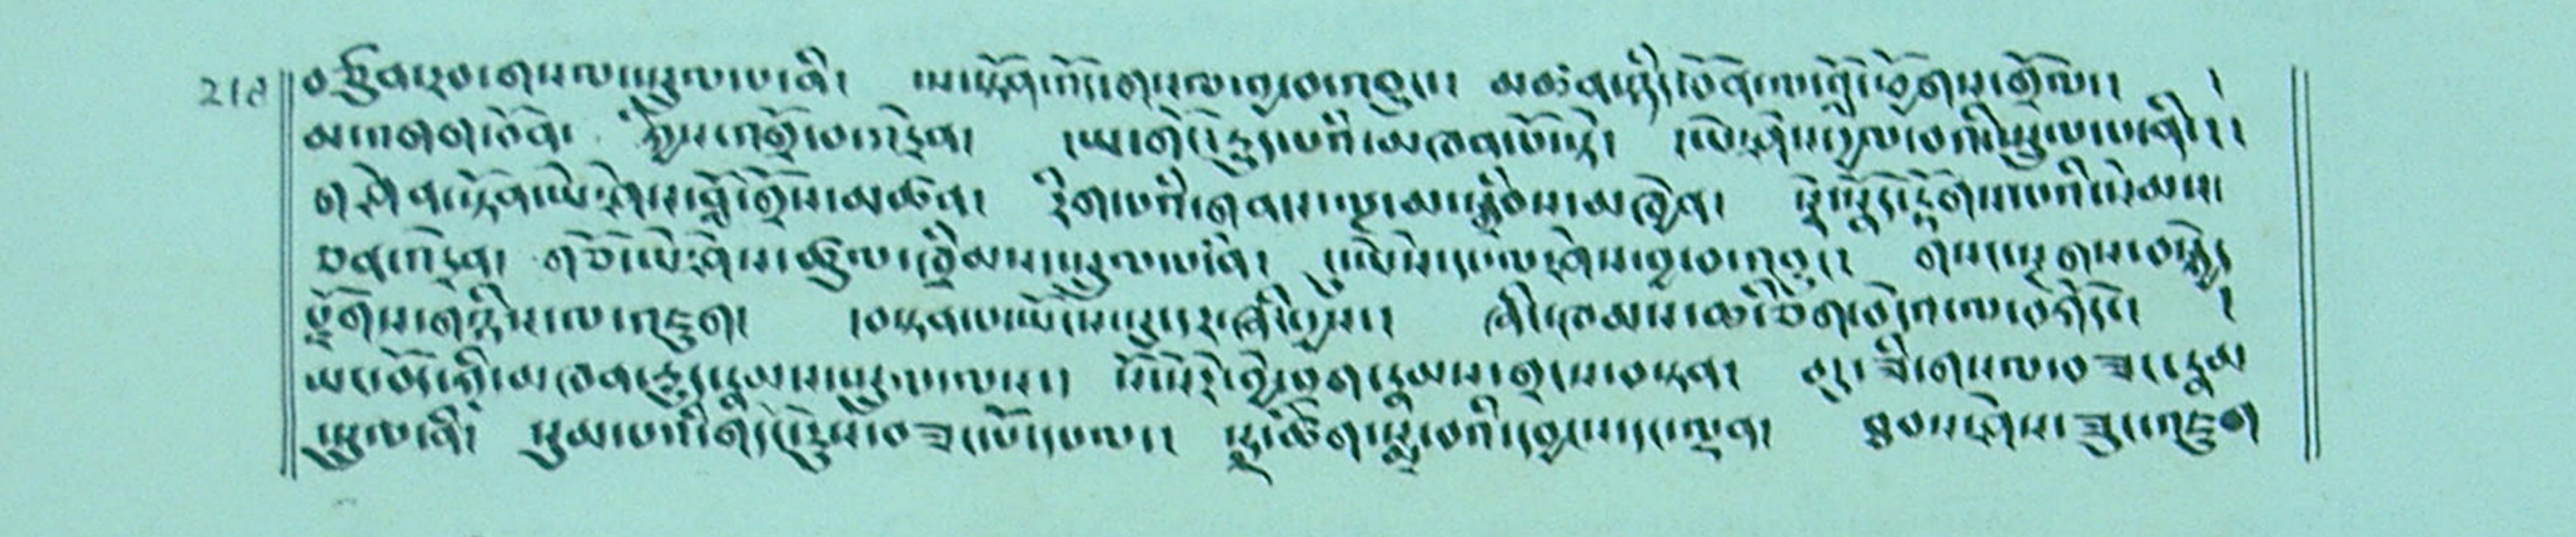བཙུན་རབ་གསལ་སྤྲུལ་པ་ནི། སྤ་སྟོན་འོད་གསལ་བྱ་བ་འབྱུང་། མཚན་ཉིད་བོན་ལ་བློ་ཕྱོགས་གྲོལ། 
མ་འགག་བོན་ གྱི་འགྲོ་བ་འདྲེན། ཡ་གོང་རྒྱུད་པའི་མཁན་པོ་སྟེ། ཡེ་ཤེས་རྒྱལ་བའི་སྤྲུལ་པ་ནི། 
གཤེན་སྟོན་ཡེ་ཤེས་བློ་གྲོས་མཚན། རིག་པའི་གནས་ལྔ་མ་སྒྲིབ་མཁྱེན། སྡེ་སྣོད་རྟོགས་པའི་སེམས་
ཅན་འདྲེན། གཅོ་ཡེ་ཤེས་ཚུལ་ཁྲིམས་སྤྲུལ་པ་ནི། ངུ་ཡེ་ཤེས་དཔལ་ཞེས་བྱ་བ་འབྱུང་། གསང་སྔགས་བསྐྱེད་
རྫོགས་གཉིས་ལ་འཇུག བསྟན་པ་ཡོངས་སུ་དར་ཞིང་རྒྱས། ཞིང་ཁམས་ཆ་གཅིག་བདེ་ལ་བཀོད། 
ཡང་བོད་ཀྱི་མཁན་རྒྱུད་རྣམ་སྤྲུལ་ལས། སོ་སོར་བྱེ་བྲག་རྣམ་གྲངས་བསྟན། མུ་ཟི་གསལ་བཟང་རྣམ་
སྤྲུལ་ནི། སུམ་པའི་གདུང་རུས་བཟང་པོ་དཔལ། སྒྲ་ཚིག་སྨྲ་བའི་དབྱངས་དང་ལྡན། ཐབས་ཤེས་ཟུང་འཇུག་